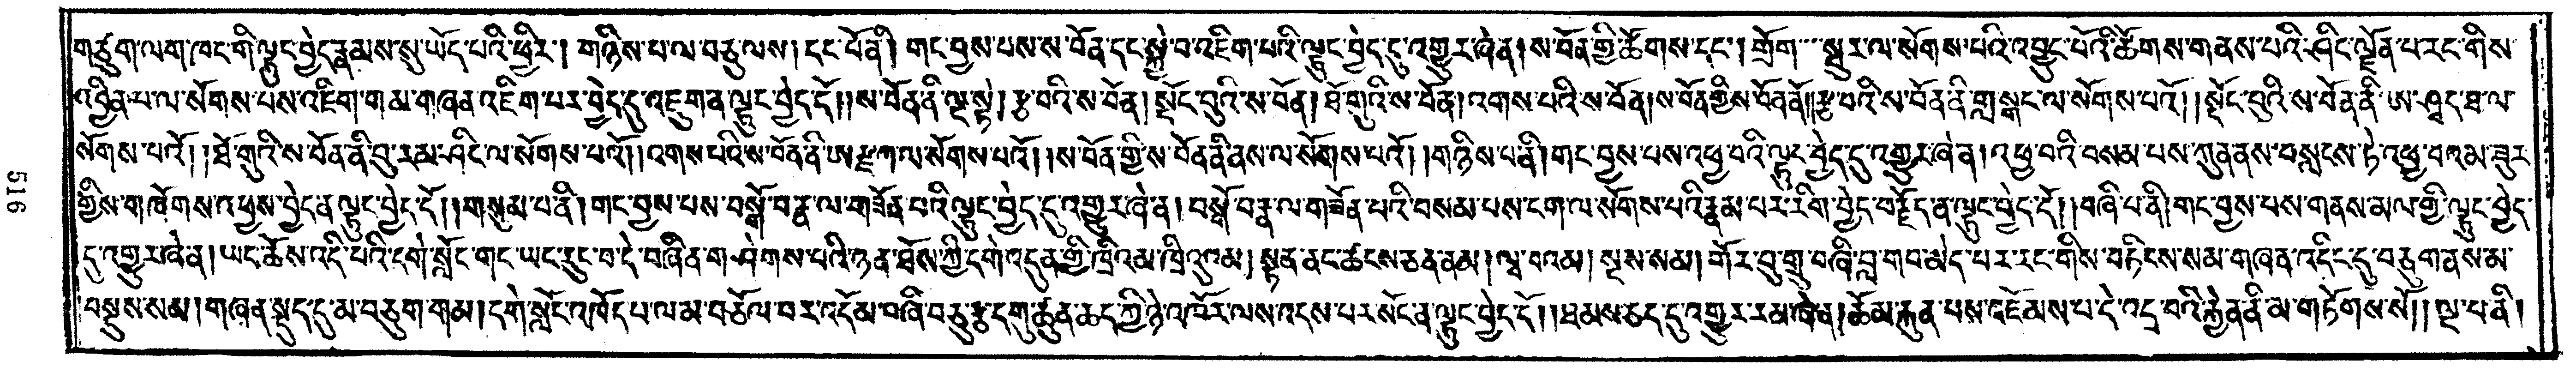གཙུག་ལག་ཁང་གི་ལྟུང་བྱེད་རྣམས་སུ་ཡོད་པའི་ཕྱིར། གཉིས་པ་ལ་བཅུ་ལས། དང་པོ་ནི། གང་བྱས་པས་ས་བོན་དང་སྐྱེ་བ་འཇིག་པའི་ལྟུང་བྱེད་དུ་འགྱུར་ཞེ་ན། ས་བོན་གྱི་ཚོགས་དང་། གྲོག་སྦུར་ལ་སོགས་པའི་འབྱུང་པོའི་ཚོགས་གནས་པའི་ཤིང་ལྗོན་པ་རང་གིས་
འབྱིན་པ་ལ་སོགས་པས་འཇིག་གམ་གཞན་འཇིག་པར་བྱེད་དུ་འཇུག་ན་ལྟུང་བྱེད་དོ། །ས་བོན་ནི་ལྔ་སྟེ། རྩ་བའི་ས་བོན། སྡོང་བུའི་ས་བོན། ཐོ་གུའི་ས་བོན། འགས་པའི་ས་བོན། ས་བོན་གྱིས་བོན་ནོ། །རྩ་བའི་ས་བོན་ནི་གླ་སྒང་ལ་སོགས་པའོ། །སྡོང་བུའི་ས་བོན་ནི་ཨ་ཤྭད་ཐ་ལ་
སོགས་པའོ། །ཐོ་གུའི་ས་བོན་ནི་བུ་རམ་ཤིང་ལ་སོགས་པའོ། །འགས་པའི་ས་བོན་ནི་ཨ་རྫས་ཀ་ལ་སོགས་པའོ། །ས་བོན་གྱི་ས་བོན་ནི་ནས་ལ་སོགས་པའོ། །གཉིས་པ་ནི། གང་བྱས་པས་འཕྱ་བའི་ལྟུང་བྱེད་དུ་འགྱུར་ཞེ་ན། འཕྱ་བའི་བསམ་པས་ཀུན་ནས་བསླངས་ཏེ་འཕྱ་བའམ་ཟུར་
གྱིས་གཞོགས་འཕྱས་བྱེད་ན་ལྟུང་བྱེད་དོ། །གསུམ་པ་ནི། གང་བྱས་པས་བསྒོ་བ་རྣ་ལ་གཟོན་པའི་ལྟུང་བྱེད་དུ་འགྱུར་ཞེ་ན། བསྒོ་བ་རྣ་ལ་གཟོན་པའི་བསམ་པས་ངག་ལ་སོགས་པའི་རྣམ་པར་རིག་བྱེད་བརྗོད་ན་ལྟུང་བྱེད་དོ། །བཞི་པ་ནི། གང་བྱས་པས་གནས་མལ་གྱི་ལྟུང་བྱེད་
དུ་འགྱུར་ཞེ་ན། ཡང་ཆོས་འདི་པའི་དགེ་སློང་གང་ཡང་རུང་བ་དེ་བཞིན་གཤེགས་པའི་ཉན་ཐོས་ཀྱི་དགེ་འདུན་གྱི་ཁྲིའམ་ཁྲིའུའམ། སྟན་ནང་ཚངས་ཅན་ནམ། ལྭ་བའམ། སྔས་སམ། གོར་བུ་གྲུ་བཞི་བླ་གབ་མེད་པར་རང་གིས་བཏིངས་སམ་གཞན་འདིང་དུ་བཅུག་ནས་མ་
བསྡུས་སམ། གཞན་སྡུད་དུ་མ་བཅུག་གམ། དགེ་སློང་འཁོད་པ་ལ་མ་བཅོལ་བར་འདོམ་བཞི་བཅུ་རྩ་དགུ་ཚུན་ཆད་ཀྱི་ཉེ་འཁོར་ལས་འདས་པར་སོང་ན་ལྟུང་བྱེད་དོ། །ཐམས་ཅད་དུ་འགྱུར་རམ་ཞེ་ན། ཆོམ་རྐུན་པས་འཇོམས་པ་དེ་འདྲ་བའི་རྐྱེན་ནི་མ་གཏོགས་སོ། །ལྔ་པ་ནི།